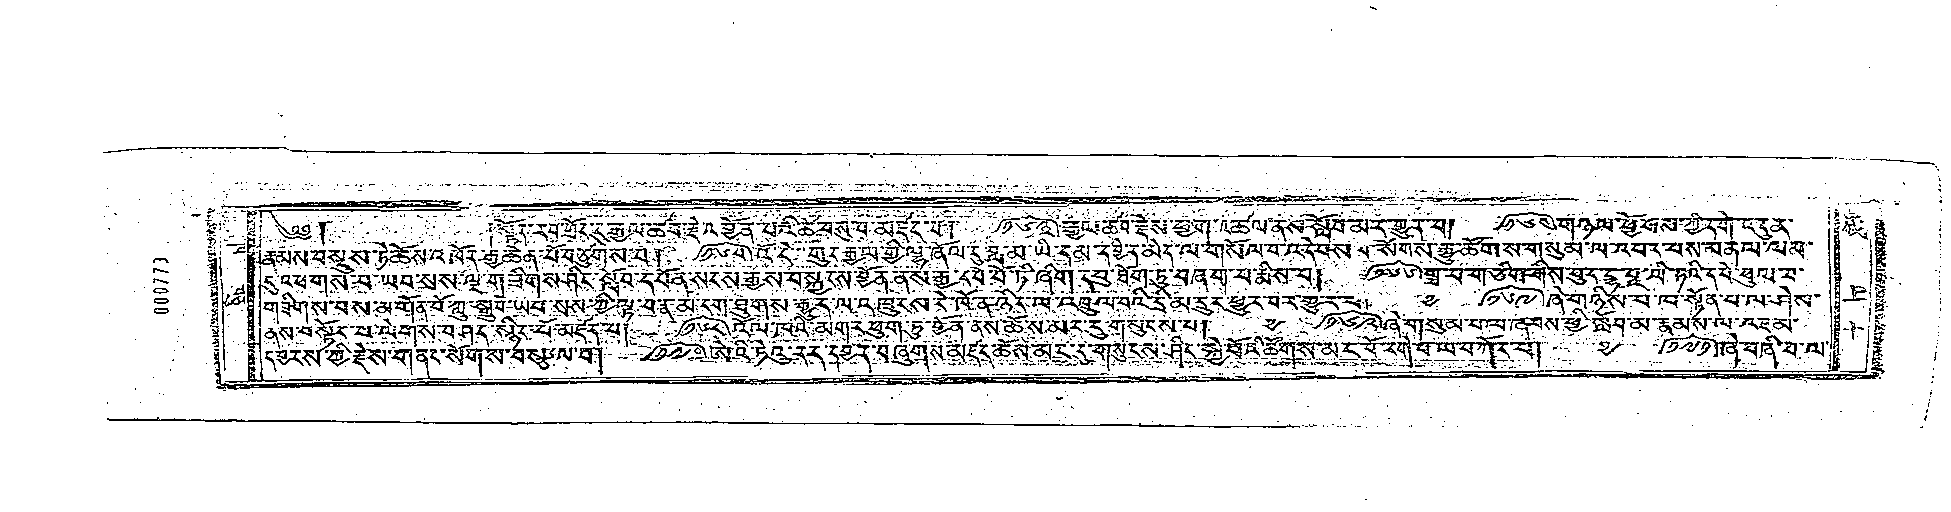༄༅། །སྟོད་རབ་གྲོང་དུ་རྒྱལ་ཚབ་རྗེ་འབྱོན་པའི་ཚེ་བསུ་བ་མཛད་པ། ༼༡༦༣?་རྒྱལ་ཚབ་རྗེས་ཕྱག་འཚལ་ནས་སློབ་མར་གྱུར་པ། ༽༡༦༤?་གཉལ་ཕྱོགས་ཀྱི་དགེ་འདུན་
རྣམས་བསྡུས་ཏེ་ཆོས་འཁོར་རྒྱ་ཆེན་པོ་བཙུགས་བ། ༡༦༥?་འོ་དེ་གུང་རྒྱལ་གྱི་ལྷ་ཞོལ་དུ་བླ་མ་ཡི་དམ་དབྱེ་ར་མེད་ལ་གསོལ་བ་འདེབས་པ་སོགས་རྒྱུ་ཚོགས་གསུམ་ལ་འབད་པས་མནལ་ལམ་
དུ་འཕགས་པ་ཡབ་སྲས་ལྔ་གཟིགས་ཤིང་སློབ་དཔོན་སངས་རྒྱས་བསྐྱངས་བྱོན་ནས་རྒྱ་དཔེ་བོ་ཏི་ཞིག་དབུ་ཐོག་ཏུ་བཞག་པ་རྨིས་པ། ༡༦༦?་གྭ་པ་གཅིག་གིས་བུ་ད་དྷ་པཱ་ལི་ཏའི་དཔེ་ཕུལ་བ་
གཟིགས་བས་མགོན་པོ་ཀླུ་སྒྲུབ་ཡབ་སྲས་ཀྱི་ལྟ་བ་རྣམ་དག་ཐུགས་རྒྱུད་ལ་འཁྲུངས་དེ་ཁོ་ན་ཉིད་ལ་འཁྲུལ་བའི་དྲི་མ་དྲུང་ཕྱུང་བར་གྱུར་པ། ༧ ༡༦༧?་ཞེ་གཉིས་པ་ལ་སྟོན་པ་ལ་ཤེས་
ནས་བསྟོད་པ་ལེགས་བཤད་སྙིང་པོ་མཛད་པ། ༼༡༦༨?་འོལ་ཁའི་མགར་ཕུག་ཏུ་བྱོན་ནས་ཆོ་ས་མང་དུ་གསུངས་པ། ༧་༽༡༦༩?་ཞེ་གསུམ་པ་ལ་ཞབས་ཕྱི་སློབ་མ་རྣམས་ལ་འཇམ་
དབྱངས་ཀྱི་རྗེས་གནང་སོགས་བསྩལ་བ། ༼༡༧༠?་ཨེའི་ཏེའུ་རར་དབྱར་བཞུགས་མཛད་ཆོས་མང་དུ་གསུངས་ཤིང་སྐྱེ་བོའི་ཚོགས་མང་པོ་དགེ་བ་ལ་བཀོད་པ། ༧་༽༡༧༡?་ཞེ་བཞི་བ་ལ་